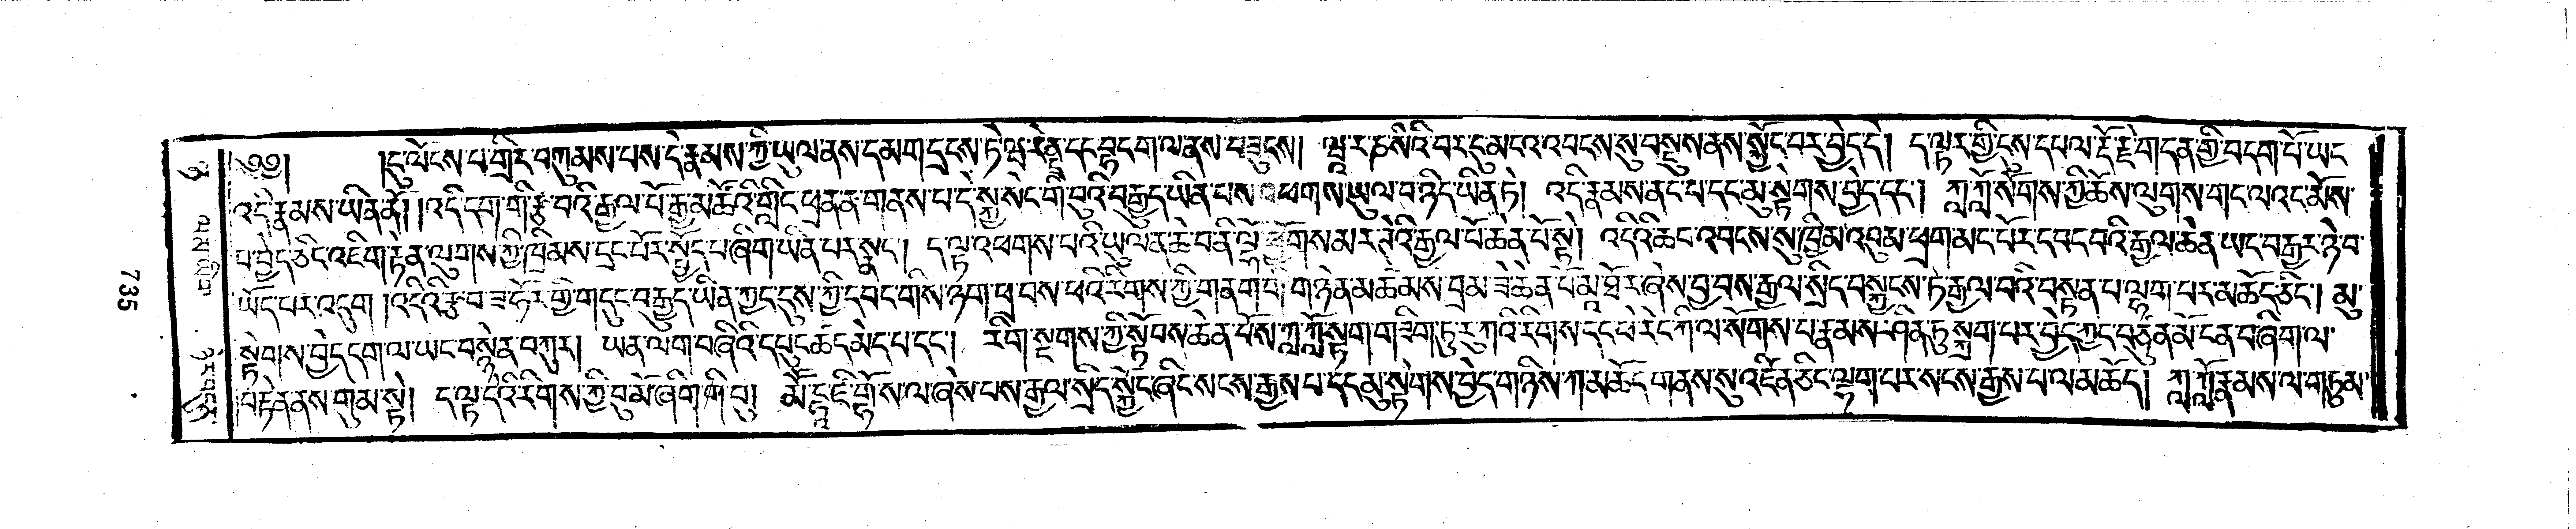༄༅། །དུ་ལོངས་པ་གྲིང་བཀུམས་པས་དེ་རྣམས་ཀྱི་ཡུལ་ནས་དམག་དྲངས་ཏེ་ཝ་རེནྡྲ་དང་བྷང་ག་ལ་ནས་བཟུངས། ཝཱ་ར་ཎ་སིའི་བར་དུ་མངའ་འབངས་སུ་བསྡུས་ནས་སྐྱོང་པར་བྱེད་དེ། ད་ལྟར་གྱི་དུས་དཔལ་རྡོ་རྗེ་གདན་གྱི་བདག་པོ་ཡང་
འདི་རྣམས་ཡིན་ནོ། །འདི་དག་གི་རྩ་བའི་རྒྱལ་པོ་རྒྱ་མཚོའི་གླིང་ཕྲན་ན་གནས་པ་དེ་སྐྱ་སེང་གི་བུའི་བརྒྱུད་ཡིན་པས་འཕགས་ཡུལ་བ་ཉིད་ཡིན་ཏེ། འདི་རྣམས་ནང་པ་དང་མུ་སྟེགས་བྱེད་དང་། ཀླ་ཀློ་སོགས་ཀྱི་ཆོས་ལུགས་གང་ལའང་མོས་
པ་བྱེད་ཅིང་འཇིག་རྟེན་ལུགས་ཀྱི་ཁྲིམས་དྲང་པོར་སྤྱོད་པ་ཞིག་ཡིན་པར་སྣང་། ད་ལྟ་འཕགས་པའི་ཡུལ་ན་ཆེ་བ་ནི་ལྷོ་ཕྱོགས་མར་ཊེའི་རྒྱལ་པོ་ཆེན་པོ་སྟེ། འདིའི་ཆབ་འབངས་སུ་ཁྱིམ་འབུམ་ཕྲག་མང་པོར་དབང་བའི་རྒྱལ་ཆེན་ཡང་བརྒྱར་ཉེ་བ་
ཡོད་པར་འདུག །འདིའི་རྩ་བ་ཟ་ཧོར་གྱི་གདུང་བརྒྱུད་ཡིན་ཀྱང་དུས་ཀྱི་དབང་གིས་ཉག་ཕྲ་བས་ཕའི་རིགས་ཀྱི་གནག་གི་གཉེན་མཚམས་བྲམ་ཟེ་ཆེན་པོ་མཱ་ཐོར་ཞེས་བྱ་བས་རྒྱལ་སྲིད་བསྐྱངས་ཏེ་རྒྱལ་བའི་བསྟན་པ་ལྷག་པར་མཆོད་ཅིང་། མུ་
སྟེགས་བྱེད་དག་ལ་ཡང་བསྙེན་བཀུར། ཡན་ལག་བཞིའི་དཔུང་ཚད་མེད་པ་དང་། རིག་སྔགས་ཀྱི་སྟོབས་ཆེན་པོས་ཀླ་ཀློ་སྟག་གཟིག་ཏུ་རུ་ཀའི་རིགས་དང་ཕེ་རེང་ཀི་ལ་སོགས་པ་རྣམས་ཤིན་ཏུ་སྐྲག་པར་བྱེད་ཀྱང་བཙུན་མོ་ངན་བ་ཞིག་ལ་
བརྟེན་ནས་གུམ་སྟེ། ད་ལྟ་དེའི་རིགས་ཀྱི་བུ་མོ་ཞིག་གི་བུ། མཽ་དྷཱ་ཛི་གྷོ་ས་ལ་ཞེས་པས་རྒྱལ་སྲིད་སྐྱོང་ཞིང་སངས་རྒྱས་པ་དང་མུ་སྟེགས་བྱེད་གཉིས་ཀ་མཆོད་གནས་སུ་འཛིན་ཅིང་ལྷག་པར་སངས་རྒྱས་པ་ལ་མཆོད། ཀླ་ཀློ་རྣམས་ལ་གཏུམ་